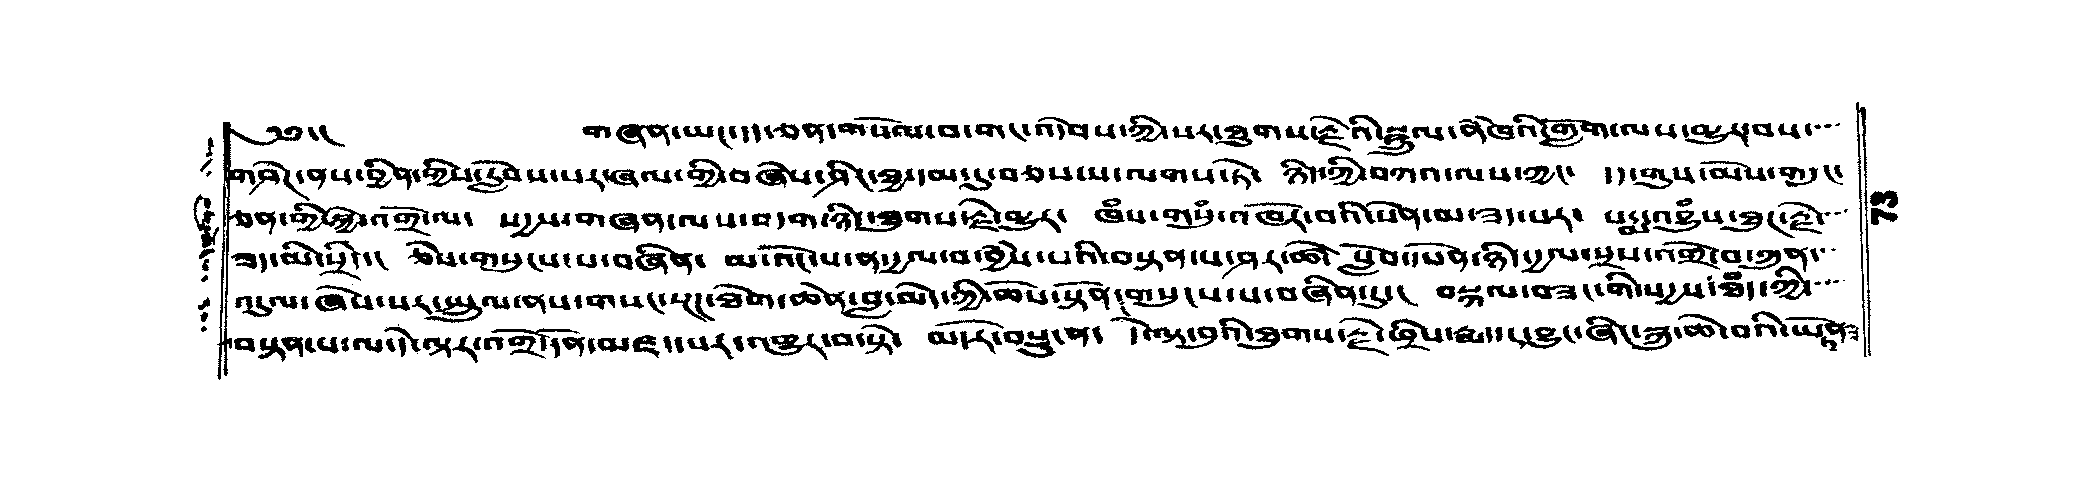གཞན་ཡང་དད་པས་གསོལ་བ་གང་འདེབས་ཀྱི་སར་ཐུགས་རྗེའི་སྒྱུ་འཕྲུལ་ནམ་མཁའི་གློག་ལས་མྱུར་བས་
གཤེགས་ནས་བྱིན་གྱིས་རློབས་པར་ཞལ་གྱིས་བཞེས་ཐུགས་དམ་དུ་བཅས་པ་ལགས་ཏེ། ཉིད་ཀྱི་བཀའ་ལས་ཀྱང་། དད་གུས་མོས་གདུང་
ཅན་གྱི་སྐྱེ་འགྲོ་ལ། སངས་རྒྱས་གཞན་ལས་བདག་ཉིད་ཐུགས་རྗེ་མྱུར། ཁམས་གསུམ་འཁོར་བའི་སེམས་ཅན་མ་ཟད་པར། པདྨ་འབྱུང་གནས་ཐུགས་རྗེ་
ཟད་མི་སྲིད། །ཅེས་གསུངས་པ་བཞིན། མ་འོངས་པ་ན་རྒྱལ་བ་བྱམས་པའི་བསྟན་པ་ཤར་ཚེ། །སློབ་དཔོན་ཉིད་རྒྱལ་སྲས་འགྲོ་བ་ཀུན་
འདུལ་ཞེས་པར་སྤྲུལ་ནས་གསང་སྔགས་ཐེག་ཆེན་བླ་མེད་ཀྱི་ཆོས་སྟོན་གསུངས་པ་བཞིན་དུ། ་་་་་་་་་ཐམས་ཅད་ཀྱི་
་་་་་་་་་མདོར་བསྡུ་ན། དེ་ལྟ་བུའི་ཐུགས་རྗེ་ཕྲིན་ལས་རྨད་དུ་བྱུང་ཞིང་སྐུ་ཆེ་བའི་ཡོན་ཏན་